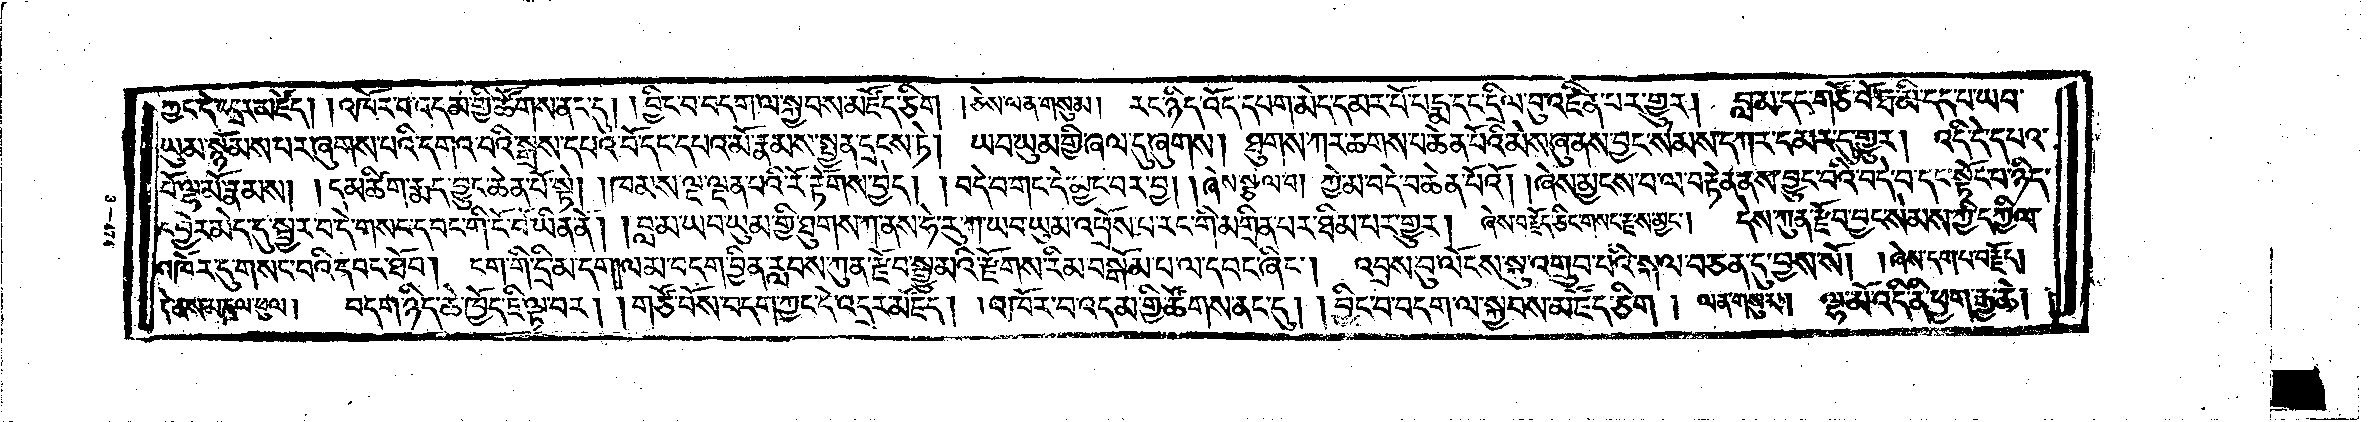ཀྱང་དེ་འདྲར་མཛོད། །འཁོར་བ་འདམ་གྱི་ཚོགས་ནང་དུ། །བྱིང་བ་བདག་ལ་སྐྱབས་མཛོད་ཅིག་།ཅེས་ལན་གསུམ།  རང་ཉིད་འོད་དཔག་མེད་དམར་པོ་པདམ་དང་དྲིལ་བུ་འཛིན་པར་གྱུར། བླ་མ་དང་གཙོ་བོ་ཐ་མི་དད་པ་ཡབ་
ཡུམ་སྙོམས་པར་ཞུགས་པའི་དགའ་བའི་སྒྲས་དཔའ་བོ་དང་དཔའ་མོ་རྣམས་སྤྱན་དྲངས་ཏེ། ཡབ་ཡུམ་གྱི་ཞལ་དུ་ཞུགས། ཐུགས་ཀར་ཆགས་པ་ཆེན་པོའི་མེས་ཞུ་ནས་བྱང་སེམས་དཀར་དམར་དུ་གྱུར། འདི་དེ་དཔའ་
པོ་ལྷ་མོ་རྣམས། །དམ་ཚིག་རྨད་བྱུང་ཆེན་པོ་སྟེ། །ཁམས་ལྔ་ལྡན་པའི་རོ་རྟོགས་བྱེད། །བདེ་བ་གང་དེ་མྱང་བར་བྱ། །ཞེས་སྩལ་བ། ཀྱེ་མ་བདེ་བ་ཆེན་པོའོ། །ཞེས་མྱངས་བ་ལ་བརྟེན་ནས་བྱུང་བའི་བདེ་བ་དང་སྟོང་པ་ཉིད་
དབྱེར་མེད་དུ་སྦྱར་བ་དེ་གསང་དབང་གི་ངོ་བོ་ཡིན་ནོ། །བླ་མ་ཡབ་ཡུམ་གྱི་ཐུགས་ཀ་ནས་ཧེ་རུ་ཀ་ཡབ་ཡུམ་འཕྲོས་པ་རང་གི་མགྲིན་པར་ཐིམ་པར་གྱུར། ཞེས་བརྗོད་ཅིང་གསང་རྫས་མྱང་།  དེས་ཀུན་རྫོབ་བྱང་སེམས་ཀྱི་དཀྱིལ་
འཁོར་དུ་གསང་བའི་དབང་ཐོབ། ངག་གི་དྲི་མ་དག །ལམ་བདག་བྱིན་རླབས་ཀུན་རྫོབ་སྒྱུ་མའི་རྫོགས་རིམ་བསྒོམ་པ་ལ་དབང་ཞིང་། འབྲས་བུ་ལོངས་སྐུ་འགྲུབ་པའི་སྐལ་བ་ཅན་དུ་བྱས་སོ། །ཞེས་དག་པ་བརྗོད།
དེ་ནས་མཎྜལ་ཕུལ། བདག་ཉིད་ཆེ་ཁྱོད་ཇི་ལྟ་བར། །གཙོ་བོས་བདག་ཀྱང་དེ་འདྲར་མཛོད། །འཁོར་བ་འདམ་གྱི་ཚོགས་ནང་དུ། །བྱིང་བ་བདག་ལ་སྐྱབས་མཛོད་ཅིག། ལན་གསུམ།  ལྷ་མོ་འདི་ནི་ཕྱག་རྒྱ་ཆེ། །